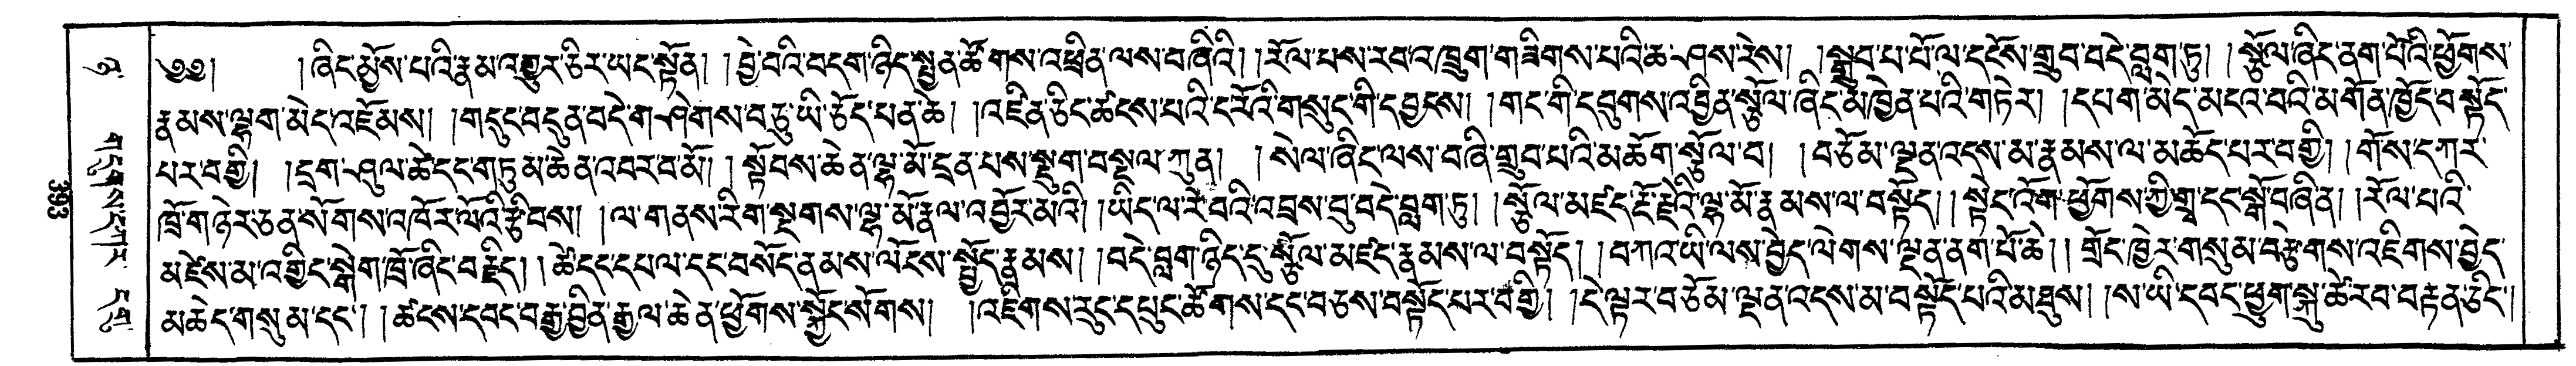༄༅། །ཞིང་མྱོས་པའི་རྣམ་འགྱུར་ཅིར་ཡང་སྟོན། །བྱེ་བའི་བདག་ཉིད་སྤྱན་ཚོགས་འཕྲིན་ལས་བཞིའི། །རོལ་པས་རབ་འཁྲུག་གཟིགས་པའི་ཆ་ཤས་རེས། །སྒྲུབ་པ་པོ་ལ་དངོས་གྲུབ་བདེ་བླག་ཏུ། །སྩོལ་ཞིང་ནག་བོའི་ཕྱོགས་
རྣམས་ལྷག་མེད་འཇོམས། །གདུང་བདུན་བདེ་གཤེགས་བཅུ་ཡི་ཅོད་པན་ཆེ། །འཛིན་ཅིང་ཚངས་པའི་ང་རོའི་གསུང་གི་དབྱངས། །གང་གི་དབུགས་འབྱིན་སྩོལ་ཞིང་མཁྱེན་པའི་གཏེར། །དཔག་མེད་མངའ་བའི་མགོན་ཁྱོད་བསྟོད་
པར་བགྱི། །དྲག་ཤུལ་ཆེ་དང་གཏུམ་ཆེན་འབར་བ་མོ། །སྟོབས་ཆེན་ལྷ་མོ་དྲན་པས་སྡུག་བསྔལ་ཀུན། །སེལ་ཞིང་ལས་བཞི་གྲུབ་པའི་མཆོག་སྩོལ་བ། །བཅོམ་ལྡན་འདས་མ་རྣམས་ལ་མཆོད་པར་བགྱི། །གོས་དཀར་
ཁྲོ་གཉེར་ཅན་སོགས་འཁོར་ལོའི་རྩིབས། །ལ་གནས་རིག་སྔགས་ལྷ་མོ་རྣལ་འབྱོར་མའི། །ཡིད་ལ་རེ་བའི་འབྲས་བུ་བདེ་བླག་ཏུ། །སྩོལ་མཛད་རྡོ་རྗེའི་ལྷ་མོ་རྣམས་ལ་བསྟོད། །སྟེང་འོག་ཕྱོགས་ཀྱི་གྲྭ་དང་སྒོ་བཞིན། །རོལ་པའི་
མཛེས་མ་འགྱིང་སྒེག་ཁྲོ་ཞིང་བརྗིད། །ཚེ་དང་དཔལ་དང་བསོད་ནམས་ལོངས་སྤྱོད་རྣམས། །བདེ་བླག་ཉིད་དུ་སྩོལ་མཛད་རྣམས་ལ་བསྟོད། །བཀའ་ཡི་ལས་བྱེད་ལེགས་ལྡན་ནག་པོ་ཆེ། །གྲོང་ཁྱེར་གསུམ་བརྩེགས་འཇིགས་བྱེད་
མཆེད་གསུམ་དང་། །ཚངས་དབང་བརྒྱ་བྱིན་རྒྱལ་ཆེན་ཕྱོགས་སྐྱོང་སོགས། །འཇིགས་རུང་དཔུང་ཚོགས་དང་བཅས་བསྟོད་པར་བགྱི། །དེ་ལྟར་བཅོམ་ལྡན་འདས་མ་བསྟོད་པའི་མཐུས། །ས་ཡི་དབང་ཕྱུག་སྐུ་ཚེ་རབ་བརྟན་ཅིང་།